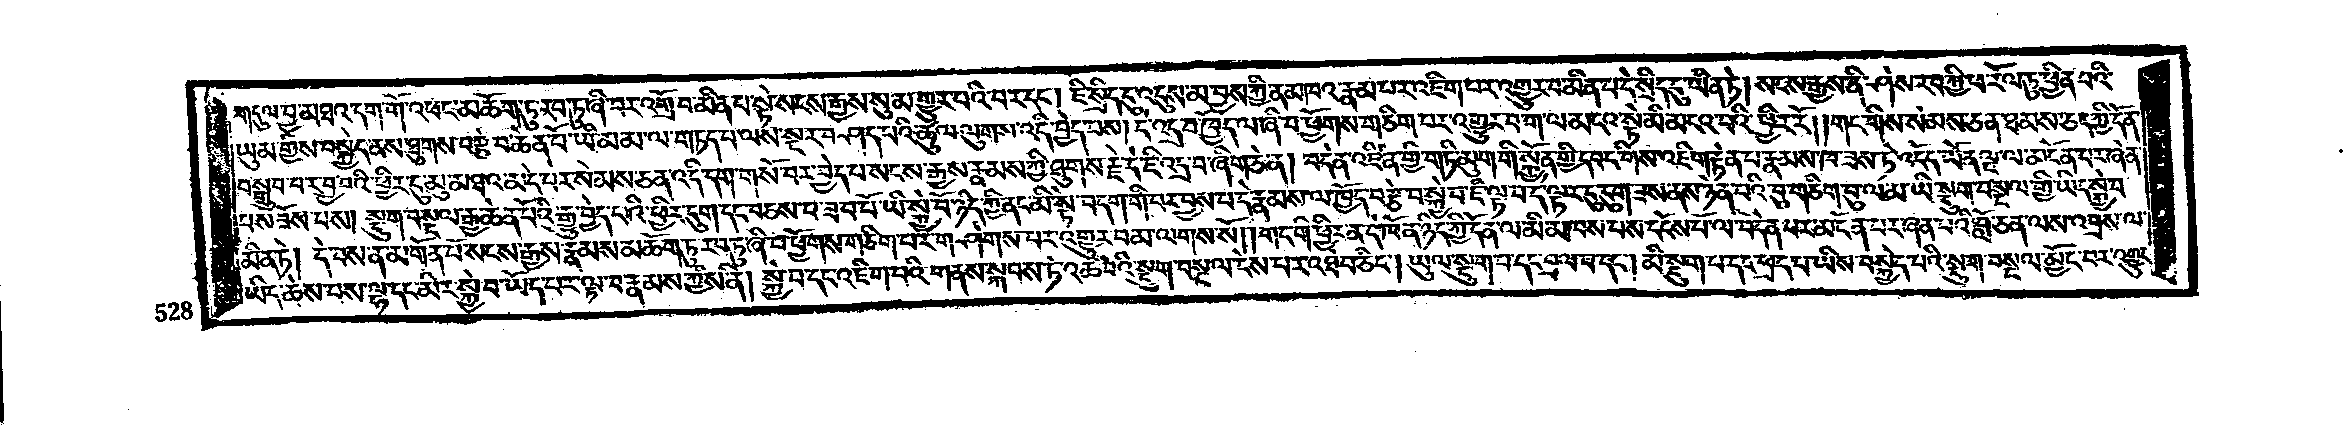གདུལ་བྱ་མཐའ་དག་གོ་འཕང་མཆོག་ཏུ་རབ་ཏུ་ཞི་བར་འགྲོ་བ་མིན་པ་ལྟེ་སངས་རྒྱས་སུ་མ་རྒྱུར་པའི་བར་དང་། ཇི་སྲིད་དུ་འདུས་མ་བྱས་ཀྱི་ནམ་མཁའ་རྣམ་པར་འཇིག་པར་འགྱུར་བ་མིན་པ་དེ་སྲིད་དུ་ཡིན་ཏེ། སངས་རྒྱས་ནི་ཤེས་རབ་ཀྱི་ཕ་རོལ་ཏུ་ཕྱིན་པའི་
ཡུམ་གྱིས་བསྐྱེད་ནས་ཐུགས་བརྩེ་བ་ཆེན་པོ་ཡི་མ་མ་ལ་གཏད་པ་ལས་སྔར་བཤད་པའི་ཚུལ་ལུགས་འདི་བྱེད་པས། དེ་འདྲ་བ་ཁྱོད་ལ་ཞི་པ་ཕྱོགས་གཅིག་པར་འགྱུར་བ་ག་ལ་མངའ་སྟེ་མི་མངའ་བའི་ཕྱིར་རོ། །གང་གིས་སེམས་ཅན་ཐམས་ཅད་ཀྱི་དོན་
བསྒྲུབ་པར་བྱ་བའི་ཕྱིར་དུ་མུ་མཐའ་མེད་པར་སེམས་ཅན་འདི་དག་གསོ་བར་བྱེད་པ་སངས་རྒྱས་རྣམས་ཀྱི་ཐུགས་རྗེ་དེ་ཇི་འདྲ་བ་ཞིག་ཅེ་ན། བདེན་འཛིན་གྱི་གཏི་མུག་གི་སྐྱོན་གྱི་དབང་གིས་འཇིག་རྟེན་པ་རྣམས་ཁ་ཟས་ཏེ་འདོད་ཡོན་ལྔ་ལ་མངོན་པར་ཞེན་
པས་ཟོས་པས། སྡུག་བསྔལ་རྒྱ་ཆེན་པོའི་རྒྱུ་བྱེད་པའི་ཕྱིར་དུག་དང་བཅས་པ་ཟ་བ་པོ་ཡི་སྐྱེ་བོ་ཉིད་ཀྱི་ནང་མི་སྟེ་བདག་གི་བར་བྱས་པ་དེ་རྣམས་ལ་ཁྱོད་བརྩེ་བ་སྐྱེ་བ་ཇི་ལྟ་བ་དེ་ལྟར་དུ་དུག་ཟས་ནས་ཉེན་པའི་བུ་གཅིག་བུ་ལ་མ་ཡི་སྡུག་བསྔལ་གྱི་ཡིད་སྐྱེ་བ་
མིན་ཏེ། དེ་བས་ན་མགོན་པོ་སངས་རྒྱས་རྣམས་མཆོག་ཏུ་རབ་ཏུ་ཞི་བ་ཕྱོགས་གཅིག་པར་གཤེགས་པར་འགྱུར་བ་མ་ལགས་སོ། །གང་གི་ཕྱིར་ན་དེ་ཁོ་ན་ཉིད་ཀྱི་དོན་ལ་མི་མཁས་པས་དངོས་པོ་ལ་བདེན་པར་མངོན་པར་ཞེན་པའི་བློ་ཅན་ལས་འབྲས་ལ་
ཡིད་ཆེས་པས་ལྷ་དང་མིར་སྐྱེ་བ་ཡོད་པར་ལྟ་བ་རྣམས་ཀྱིས་ནི། སྐྱེ་བ་དང་འཇིག་པའི་གནས་སྐབས་ཏེ་འཆི་བའི་སྡུག་བསྔལ་ངེས་པར་འཐེབ་ཅིང་། ཡུལ་སྡུག་པ་དང་བྲལ་བ་དང་། མི་སྡུག་པ་དང་ཕྲད་པ་ཡིས་བསྐྱེད་པའི་སྡུག་བསྔལ་མྱོང་བར་འགྱུར་